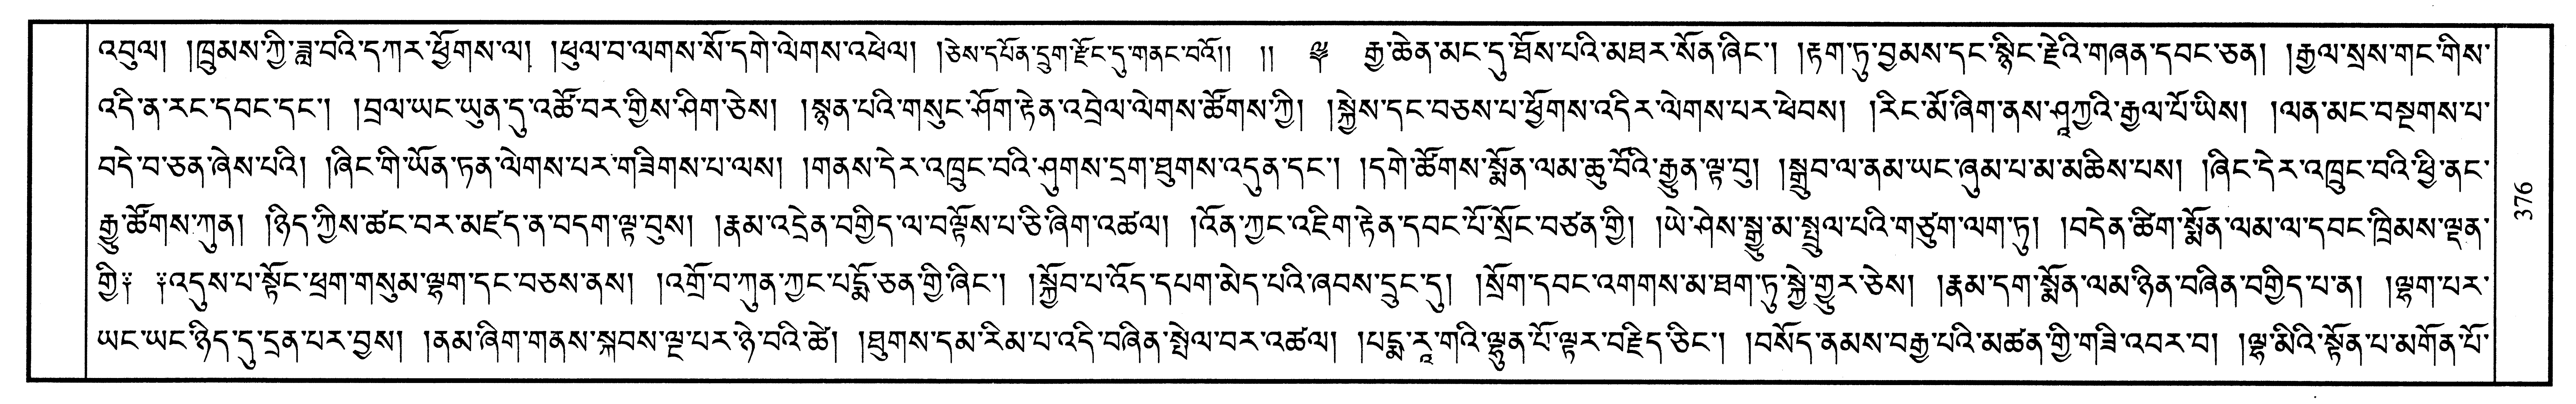འབུལ། །ཁྲུམས་ཀྱི་ཟླ་བའི་དཀར་ཕྱོགས་ལ། །ཕུལ་བ་ལགས་སོ་དགེ་ལེགས་འཕེལ། །ཅེས་དཔོན་དྲུག་རྫོང་དུ་གནང་བའོ།། །། ༈ རྒྱ་ཆེན་མང་དུ་ཐོས་པའི་མཐར་སོན་ཞིང་། །རྟག་ཏུ་བྱམས་དང་སྙིང་རྗེའི་གཞན་དབང་ཅན། །རྒྱལ་སྲས་གང་གིས་
འདི་ན་རང་དབང་དང་། །བྲལ་ཡང་ཡུན་དུ་འཚོ་བར་གྱིས་ཤིག་ཅེས། །སྙན་པའི་གསུང་ཤོག་རྟེན་འབྲེལ་ལེགས་ཚོགས་ཀྱི། །སྐྱེས་དང་བཅས་པ་ཕྱོགས་འདིར་ལེགས་པར་ཕེབས། །རིང་མོ་ཞིག་ནས་ཤཱཀྱའི་རྒྱལ་པོ་ཡིས། །ལན་མང་བསྔགས་པ་
བདེ་བ་ཅན་ཞེས་པའི། །ཞིང་གི་ཡོན་ཏན་ལེགས་པར་གཟིགས་པ་ལས། །གནས་དེར་འཁྲུང་བའི་ཤུགས་དྲག་ཐུགས་འདུན་དང་། །དགེ་ཚོགས་སྨོན་ལམ་ཆུ་བོའི་རྒྱུན་ལྟ་བུ། །སྒྲུབ་ལ་ནམ་ཡང་ཞུམ་པ་མ་མཆིས་པས། །ཞིང་དེར་འཁྲུང་བའི་ཕྱི་ནང་
རྒྱུ་ཚོགས་ཀུན། །ཉིད་ཀྱིས་ཚང་བར་མཛད་ན་བདག་ལྟ་བུས། །རྣམ་འདྲེན་བགྱིད་ལ་བལྟོས་པ་ཅི་ཞིག་འཚལ། །འོན་ཀྱང་འཇིག་རྟེན་དབང་པོ་སྲོང་བཙན་གྱི། །ཡེ་ཤེས་སྒྱུ་མ་སྤྲུལ་པའི་གཙུག་ལག་ཏུ། །བདེན་ཚིག་སྨོན་ལམ་ལ་དབང་ཁྲིམས་ལྡན་
གྱི༑ ༑འདུས་པ་སྟོང་ཕྲག་གསུམ་ལྷག་དང་བཅས་ནས། །འགྲོ་བ་ཀུན་ཀྱང་པདམོ་ཅན་གྱི་ཞིང་། །སྐྱོབ་པ་འོད་དཔག་མེད་པའི་ཞབས་དྲུང་དུ། །སྲོག་དབང་འགགས་མ་ཐག་ཏུ་སྐྱེ་གྱུར་ཅེས། །རྣམ་དག་སྨོན་ལམ་ཉིན་བཞིན་བགྱིད་པ་ན། །ལྷག་པར་
ཡང་ཡང་ཉིད་དུ་དྲན་པར་བྱས། །ནམ་ཞིག་གནས་སྐབས་ལྔ་པར་ཉེ་བའི་ཚེ། །ཐུགས་དམ་རིམ་པ་འདི་བཞིན་སྤེལ་བར་འཚལ། །པདམ་རཱ་གའི་ལྷུན་པོ་ལྟར་བརྗིད་ཅིང་། །བསོད་ནམས་བརྒྱ་པའི་མཚན་གྱི་གཟི་འབར་བ། །ལྷ་མིའི་སྟོན་པ་མགོན་པོ་